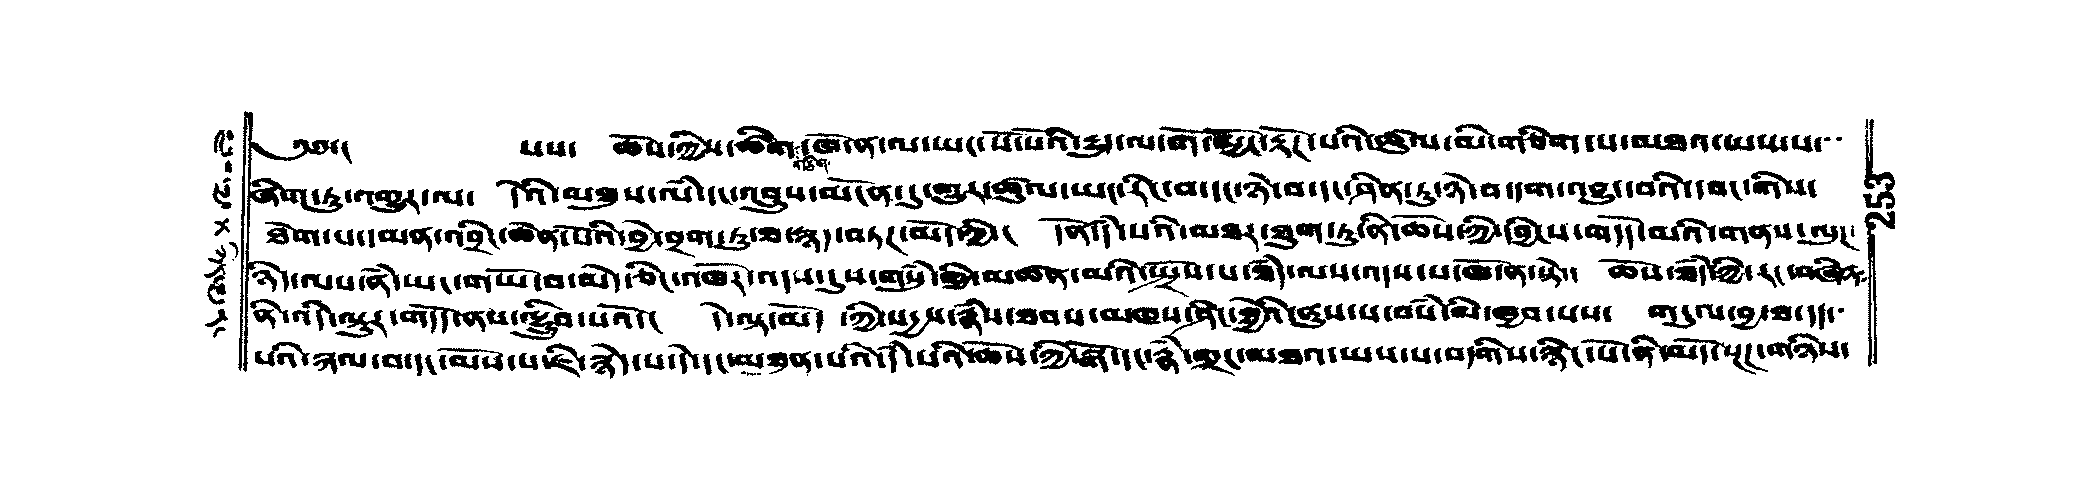པས། ཆོས་ཀྱི་ཚིག་གཅིག་ཁོ་ན་ལ་ཡང་སོ་སོའི་རྒྱུད་ལ་གོ་མྱོང་རྟོགས་པའི་ཚུལ་མི་གཅིག་པ་མཐའ་ཡས་པ་
ཞིག་ཏུ་འགྱུར་ལ། དེའི་མཐུས་ལམ་དང་འབྲས་བུ་མངོན་དུ་གྱུར་ཚུལ་ཡང་རིང་བ་དང་ཉེ་བ་དང་ཤིན་ཏུ་ཉེ་བ་དག་འབྱུང་བའི་དབང་གིས། 
ཐེག་པ་དམན་འབྲིང་ཆེན་པོའི་བྱེ་བྲག་ཏུ་ཐ་སྙད་བཏགས་མོད་ཀྱི། །དོན་དམ་པའི་མཐར་ཐུག་ཏུ་ནི་ཆོས་ཀྱི་དབྱིངས་གདོད་མའི་གནས་ལུགས་
ཉིད་ལས་ནམ་ཡང་གཡོ་བ་མེད་ཅིང་འཁོར་འདས་དུས་གསུམ་གྱི་མཚན་མའི་སྤྲོས་པ་ཐམས་ཅད་ལས་འདས་པ་ཁོ་ན་སྟེ། ཆོས་ཐམས་ཅད་ཀྱི་རང་བཞིན་
ནི་འདི་ལྟ་བུར་གདོད་ནས་ལྷུན་གྱིས་གྲུབ་པའོ། དེ་ལྟར་མོད་ཀྱི་སངས་རྒྱས་རྣམས་ཐབས་མཁས་ཤིང་ཐུགས་རྗེའི་ནུས་པ་བསམ་མི་ཁྱབ་པས། གདུལ་བྱ་ཐ་དད་
པའི་སྐལ་བ་དང་མོས་པ་ཇི་སྙེད་པ་དེ་དང་མཐུན་པའི་དམ་པའི་ཆོས་ཀྱི་སྒོ་དང་རྣམ་གྲངས་མཐའ་ཡས་པ་དག་གིས་སྙིང་པོ་ནི་མདོ་སྔགས་གཉིས་